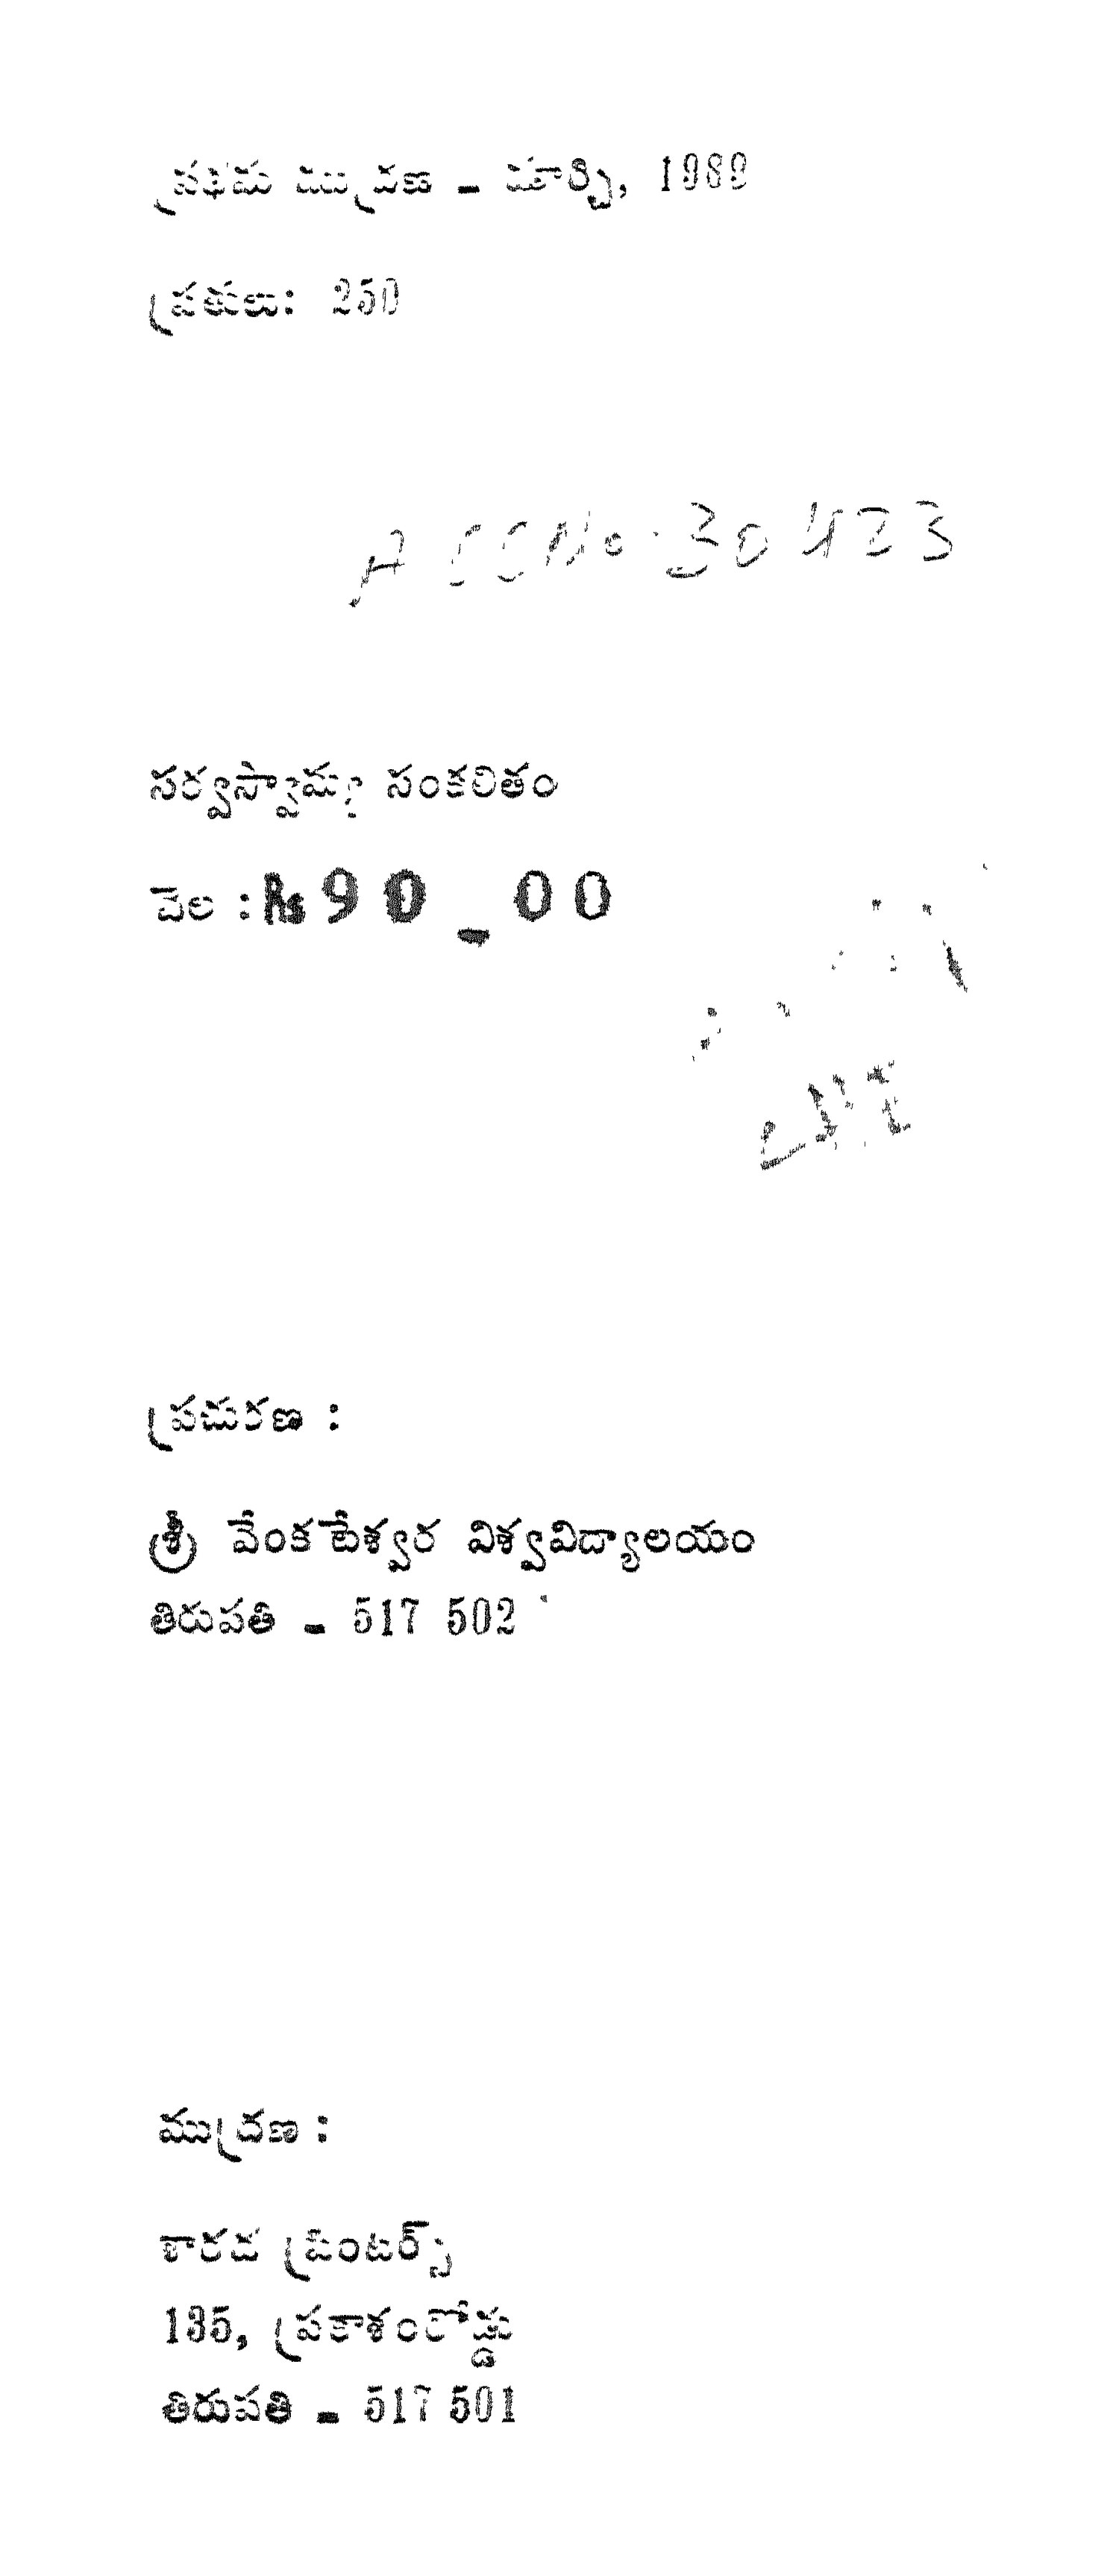ప్రథమ ముద్రణ - మార్చి, 1989

ప్రతులు: 250

సర్వస్వామ్య సంకలితం

వెల : రూ. 90-00

ప్రచురణ :

శ్రీ వేంకటేశ్వర విశ్వవిద్యాలయం

తిరుపతి - 517 502

ముద్రణ : 

శారద ప్రింటర్స్

135, ప్రకాశం రోడ్డు,

తిరుపతి -517 501